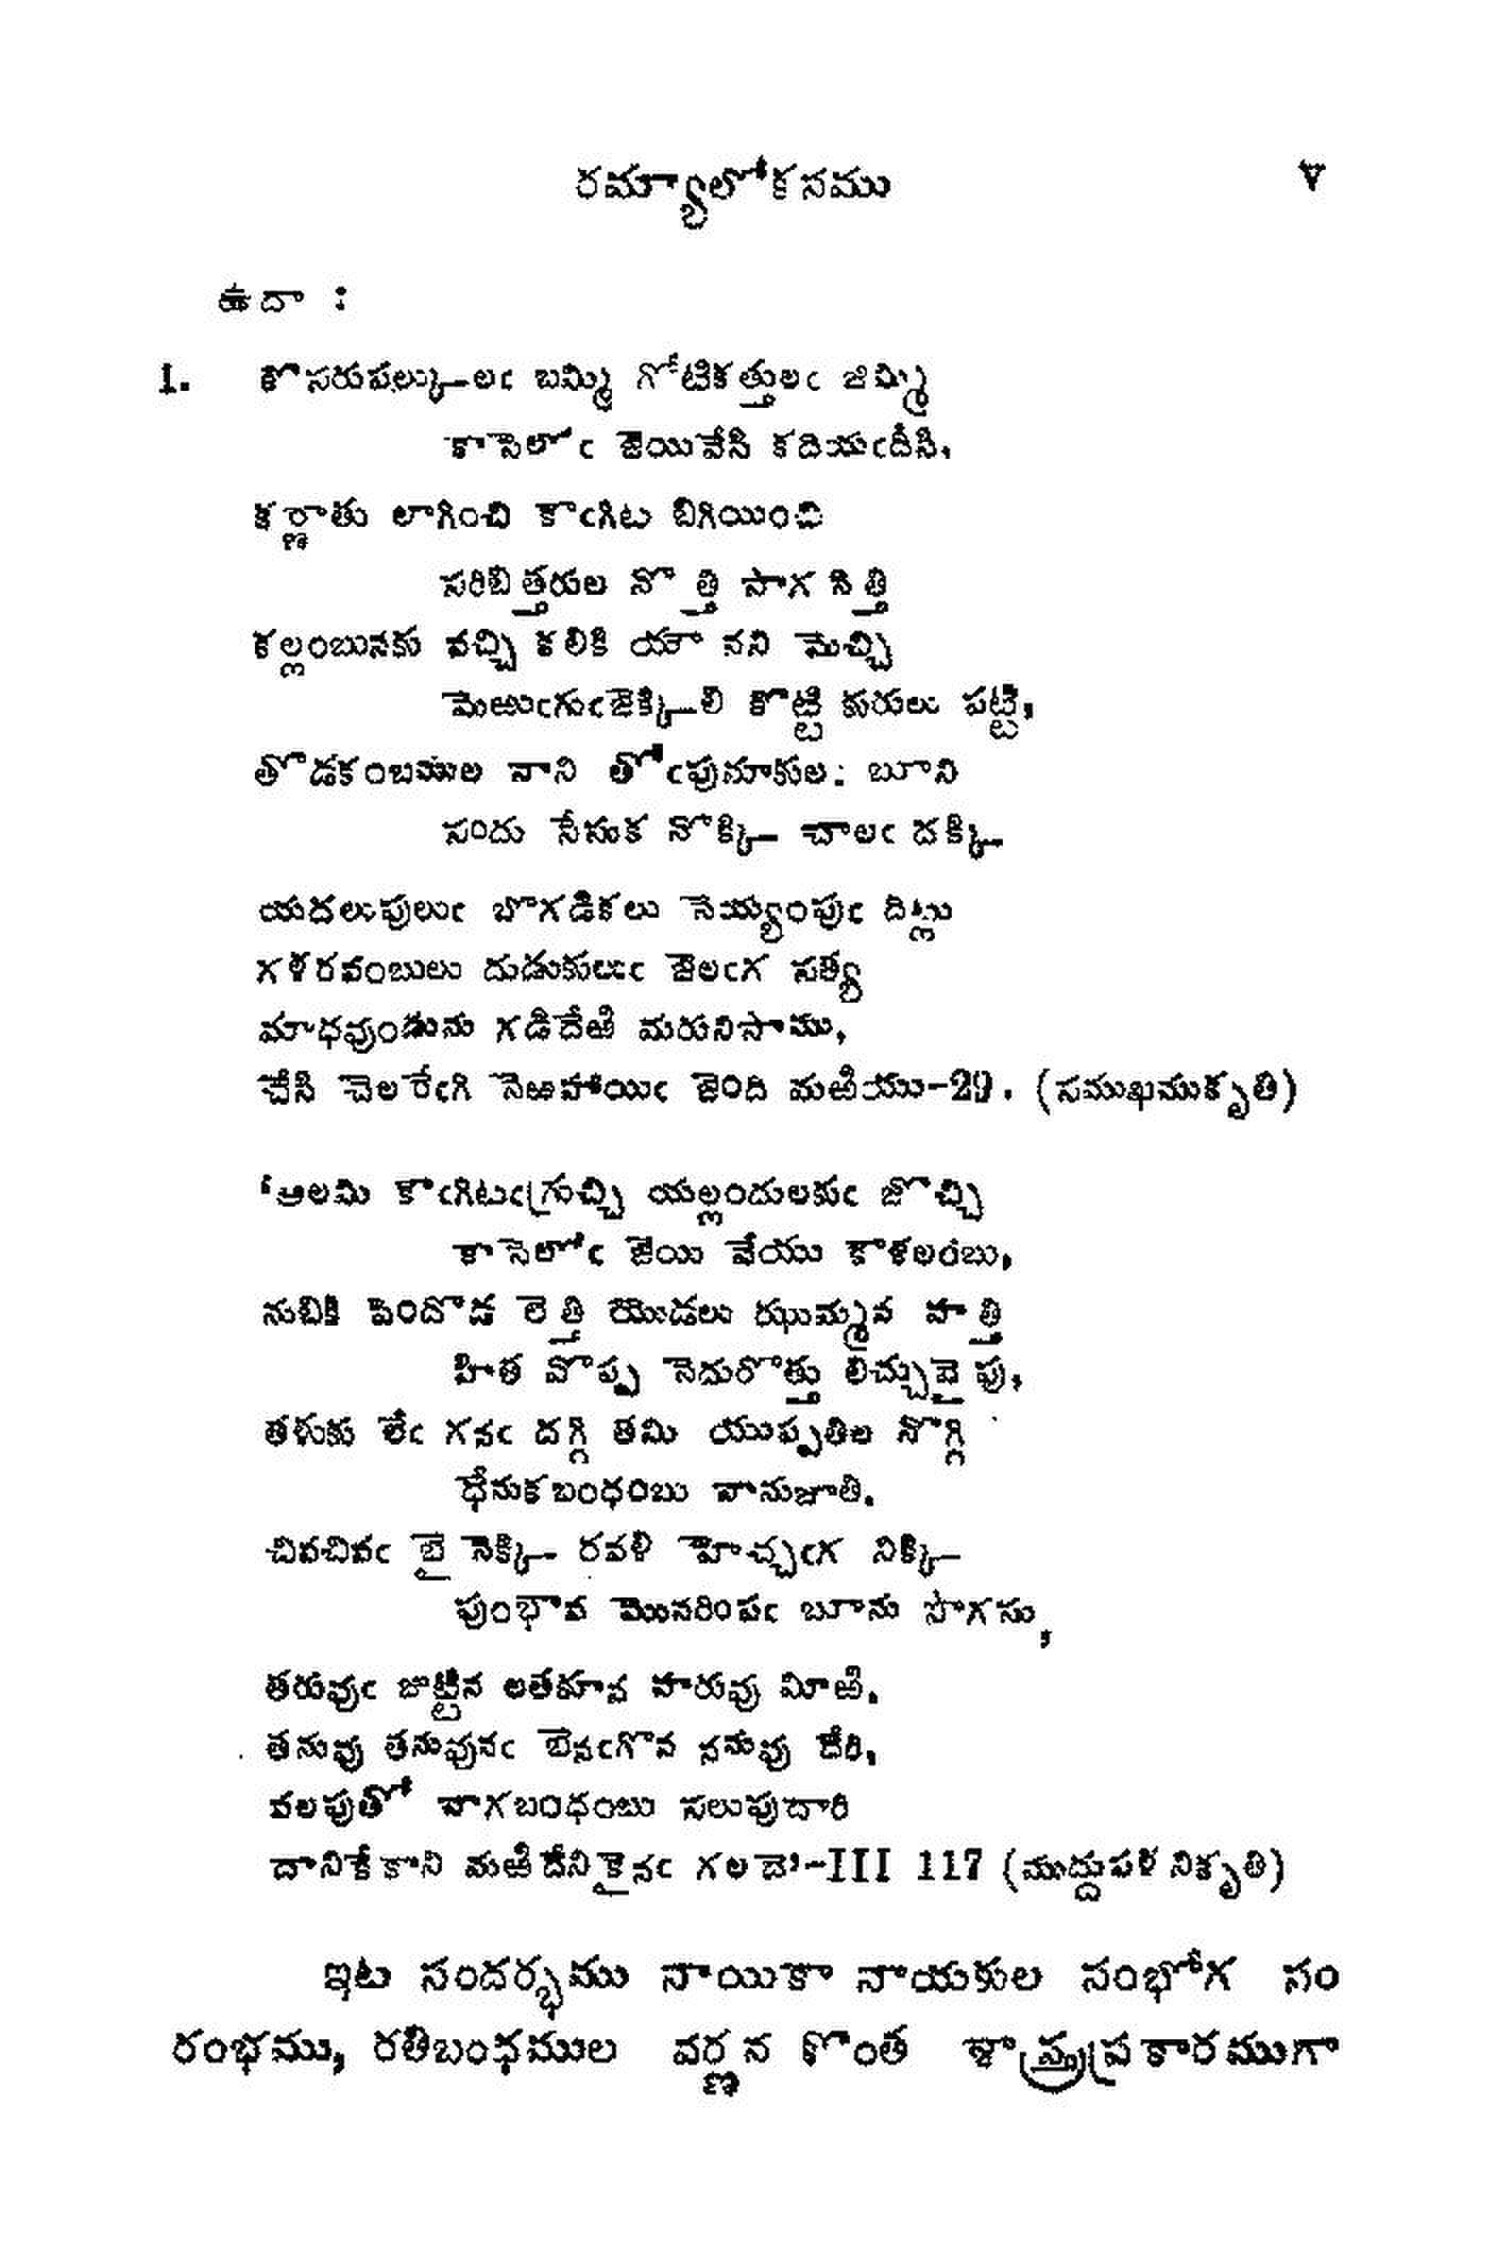ఉదా:
కొసరుపల్కులఁ బమ్మి గోటికత్తులఁ జిమ్మి
 కాసెలోఁ జెయివేసి కదియఁదీసి,
కర్ణాతు లాగించి కౌఁగిట బిగియించి
 సరిబిత్తరుల నొత్తి సాగ సిత్తి
కల్లంబునకు వచ్చి కలికి యౌ నని మెచ్చి
 మెఱుఁగుఁజెక్కిలి కొట్టి కురులు పట్టి,
తొడకంబముల నాని తోఁపునూకులఁ బూని
 సందు సేసుక నొక్కి చాలఁ దక్కి
యదలుపులుఁ బొగడికలు నెయ్యంపుఁ దిట్లు
గళరవంబులు దుడుకులుఁ జెలఁగ సత్య
మాధవుండును గడిదేరి మరునిసాము,
చేసి చెలరేఁగి నెఱహాయిఁ జెంది మఱియు-29. (సముఖముకృతి)
 
‘అలమి కౌఁగిటఁగ్రుచ్చి యల్లందులకుఁ జొచ్చి
 కాసెలోఁ జెయి వేయు కౌశలంబు,
నుబికి పెందొడ లెత్తి యొడలు ఝుమ్మన హత్తి
 హిత వొప్ప నెదురొత్తు లిచ్చువైపు
తళుకు లేఁ గనఁ దగ్గి తమి యుప్పతిల నొగ్గి
 ధేనుకబంధంబు నానుజాతి
చివచివఁ బైనెక్కి రవళి హెచ్చఁగ నిక్కి
 పుంభావ మొనరింపఁ బూను సొగసు,
తరువుఁ జుట్టిన లతకూన హరువు మీఱి,
తనువు తనువునఁ బెనఁగొన ననువు దేరి,
వలపుతో నాగబంధంబు సలుపుదారి
దానికేకాని మఱిదేనికైనఁ గలదె?—III 117 (ముద్దుపళనికృతి)

ఇట సందర్భము నాయికా నాయకుల సంభోగసంరంభము, రతిబంధముల వర్ణన కొంత శాస్త్రప్రకారముగా